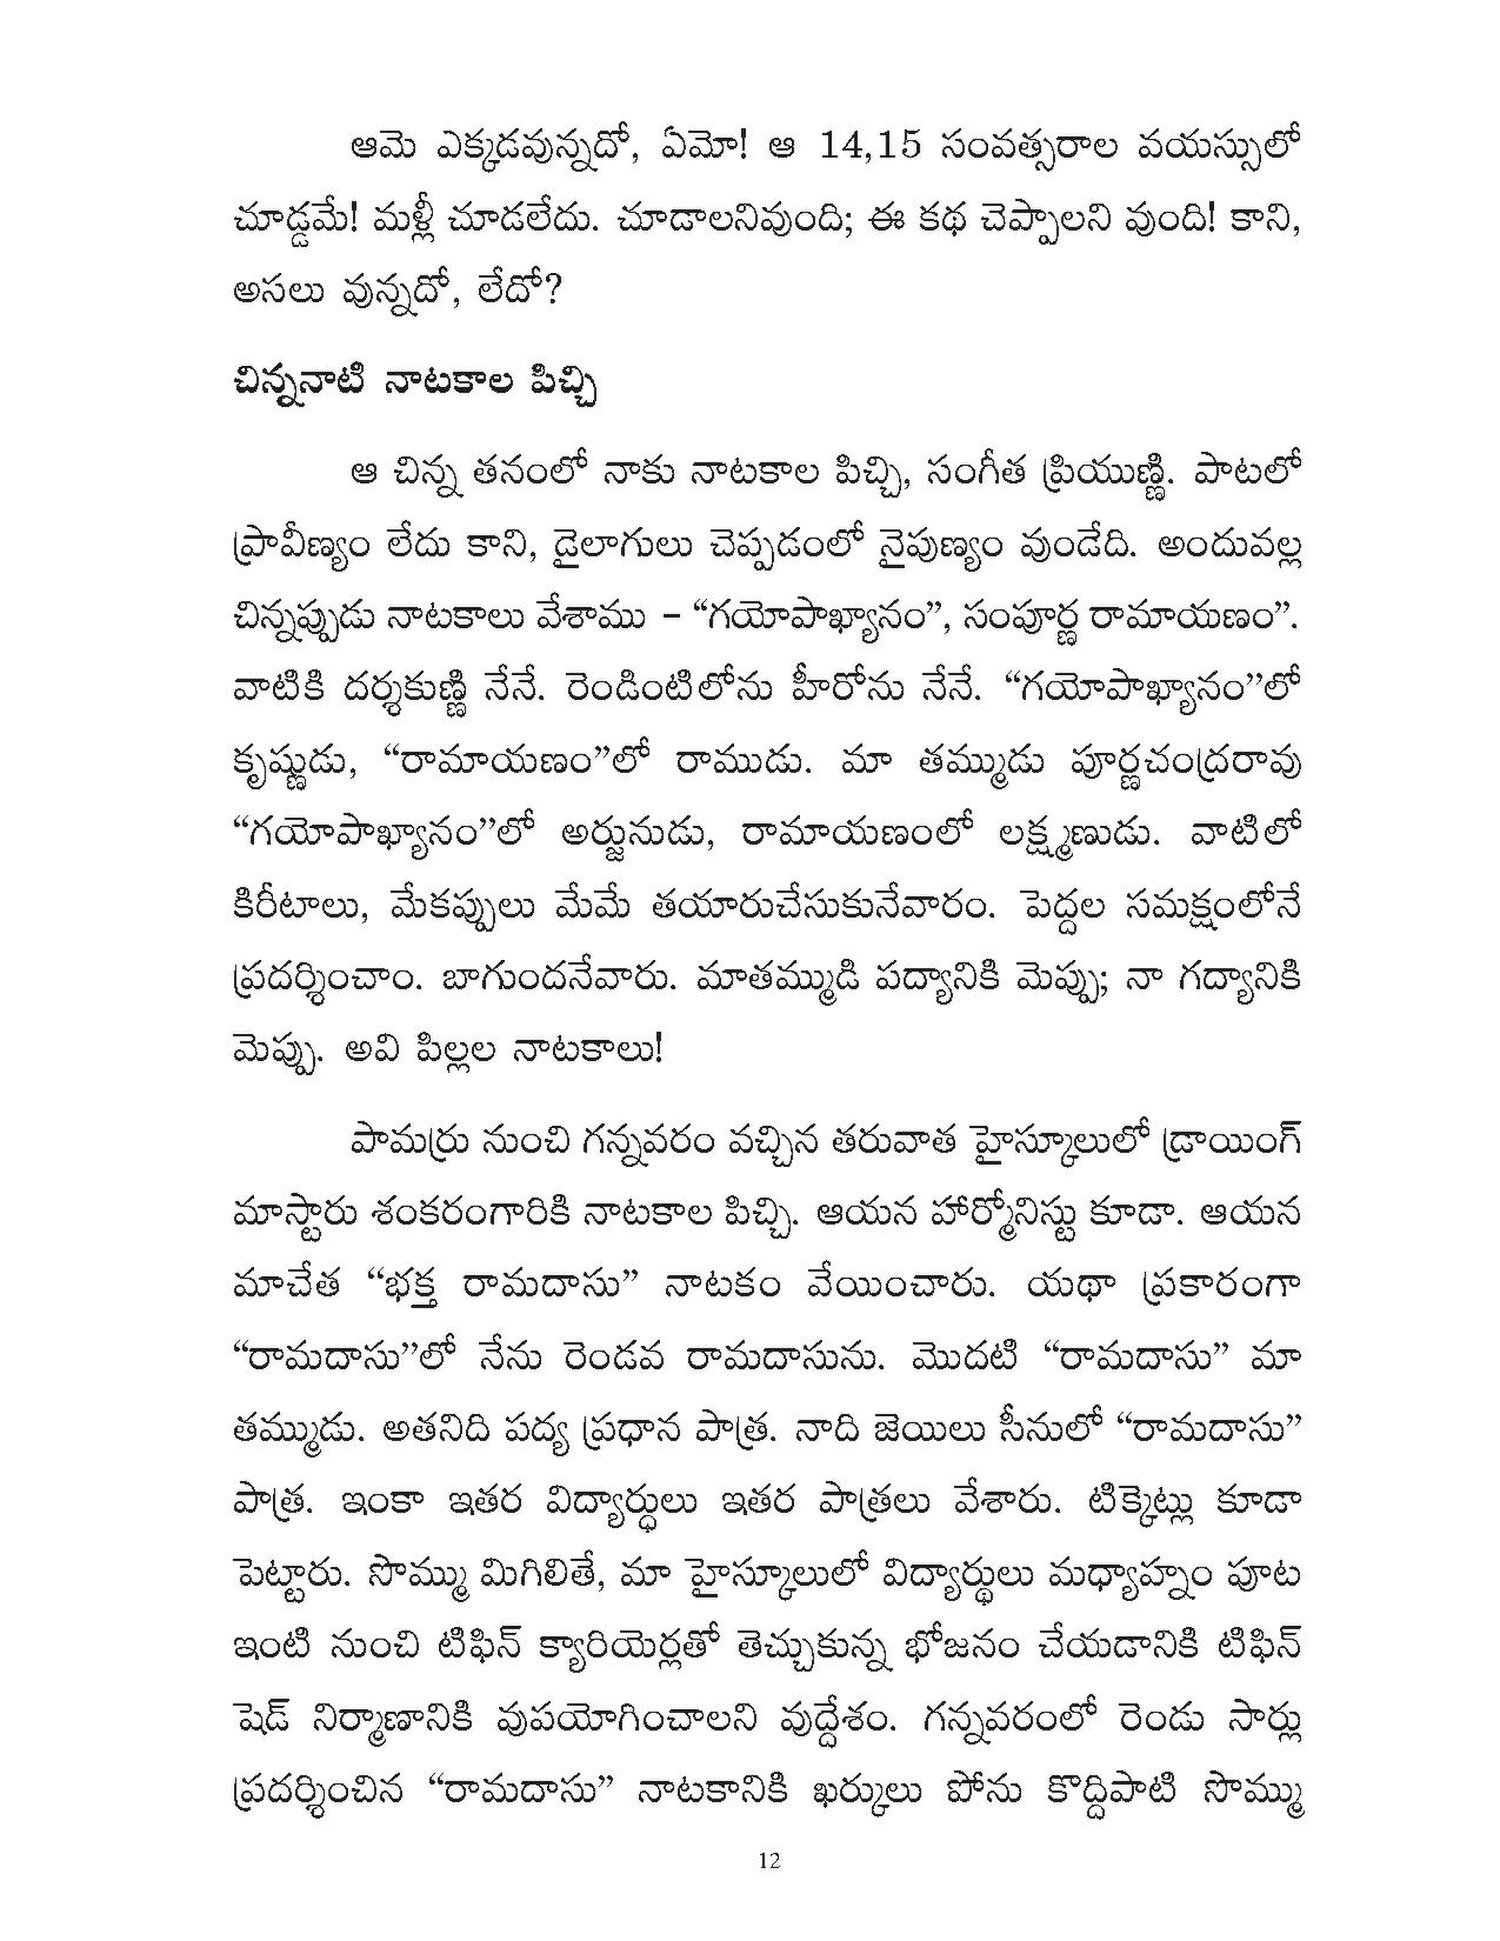ఆమె ఎక్కడవున్నదో, ఏమో! ఆ 14,15 సంవత్సరాల వయస్సులో
చూడ్డమే! మళ్లీ చూడలేదు. చూడాలనివుంది; ఈ కథ చెప్పాలని వుంది! కాని,
అసలు వున్నదో, లేదో?

చిన్ననాటి నాటకాల పిచ్చి
ఆ చిన్న తనంలో నాకు నాటకాల పిచ్చి, సంగీత ప్రియుణ్ణి. పాటలో
ప్రావీణ్యం లేదు కాని, డైలాగులు చెప్పడంలో నైపుణ్యం వుండేది. అందువల్ల
చిన్నప్పుడు నాటకాలు వేశాము - "గయోపాఖ్యానం", సంపూర్ణ రామాయణం".
వాటికి దర్శకుణ్ణి నేనే. రెండింటిలోను హీరోను నేనే. "గయోపాఖ్యానం"లో
కృష్ణుడు, "రామాయణం"లో రాముడు. మా తమ్ముడు పూర్ణచంద్రరావు
"గయోపాఖ్యానం"లో అర్జునుడు, రామాయణంలో లక్ష్మణుడు. వాటిలో
కిరీటాలు, మేకప్పులు మేమే తయారుచేసుకునేవారం. పెద్దల సమక్షంలోనే
ప్రదర్శించాం. బాగుందనేవారు. మాతమ్ముడి పద్యానికి మెప్పు; నా గద్యానికి
మెప్పు. అవి పిల్లల నాటకాలు!

పామర్రు నుంచి గన్నవరం వచ్చిన తరువాత హైస్కూలులో డ్రాయింగ్‌
మాస్టారు శంకరంగారికి నాటకాల పిచ్చి. ఆయన హార్మోనిస్టు కూడాా. ఆయన
మాచేత "భక్త రామదాసు" నాటకం వేయించారు. యథా ప్రకారంగా
"రామదాసు"లో నేను రెండవ రామదాసును. మొదటి "రామదాసు" మా
తమ్ముడు. అతనిది పద్య ప్రధాన పాత్ర. నాది జెయిలు సీనులో "రామదాసు"
పాత్ర. ఇంకా ఇతర విద్యార్ధులు ఇతర పాత్రలు వేశారు. టిక్కెట్లు కూడా
పెట్టారు. సొమ్ము మిగిలితే, మా హైస్కూలులో విద్యార్థులు మధ్యాహ్నం పూట
ఇంటి నుంచి టిఫిన్‌ క్యారియెర్లతో తెచ్చుకున్న భోజనం చేయడానికి టిఫిన్‌
షెడ్‌ నిర్మాణానికి వుపయోగించాలని వుద్దేశం. గన్నవరంలో రెండు సార్లు
ప్రదర్శించిన "రామదాసు" నాటకానికి ఖర్చులు పోను కొద్దిపాటి సొమ్ము